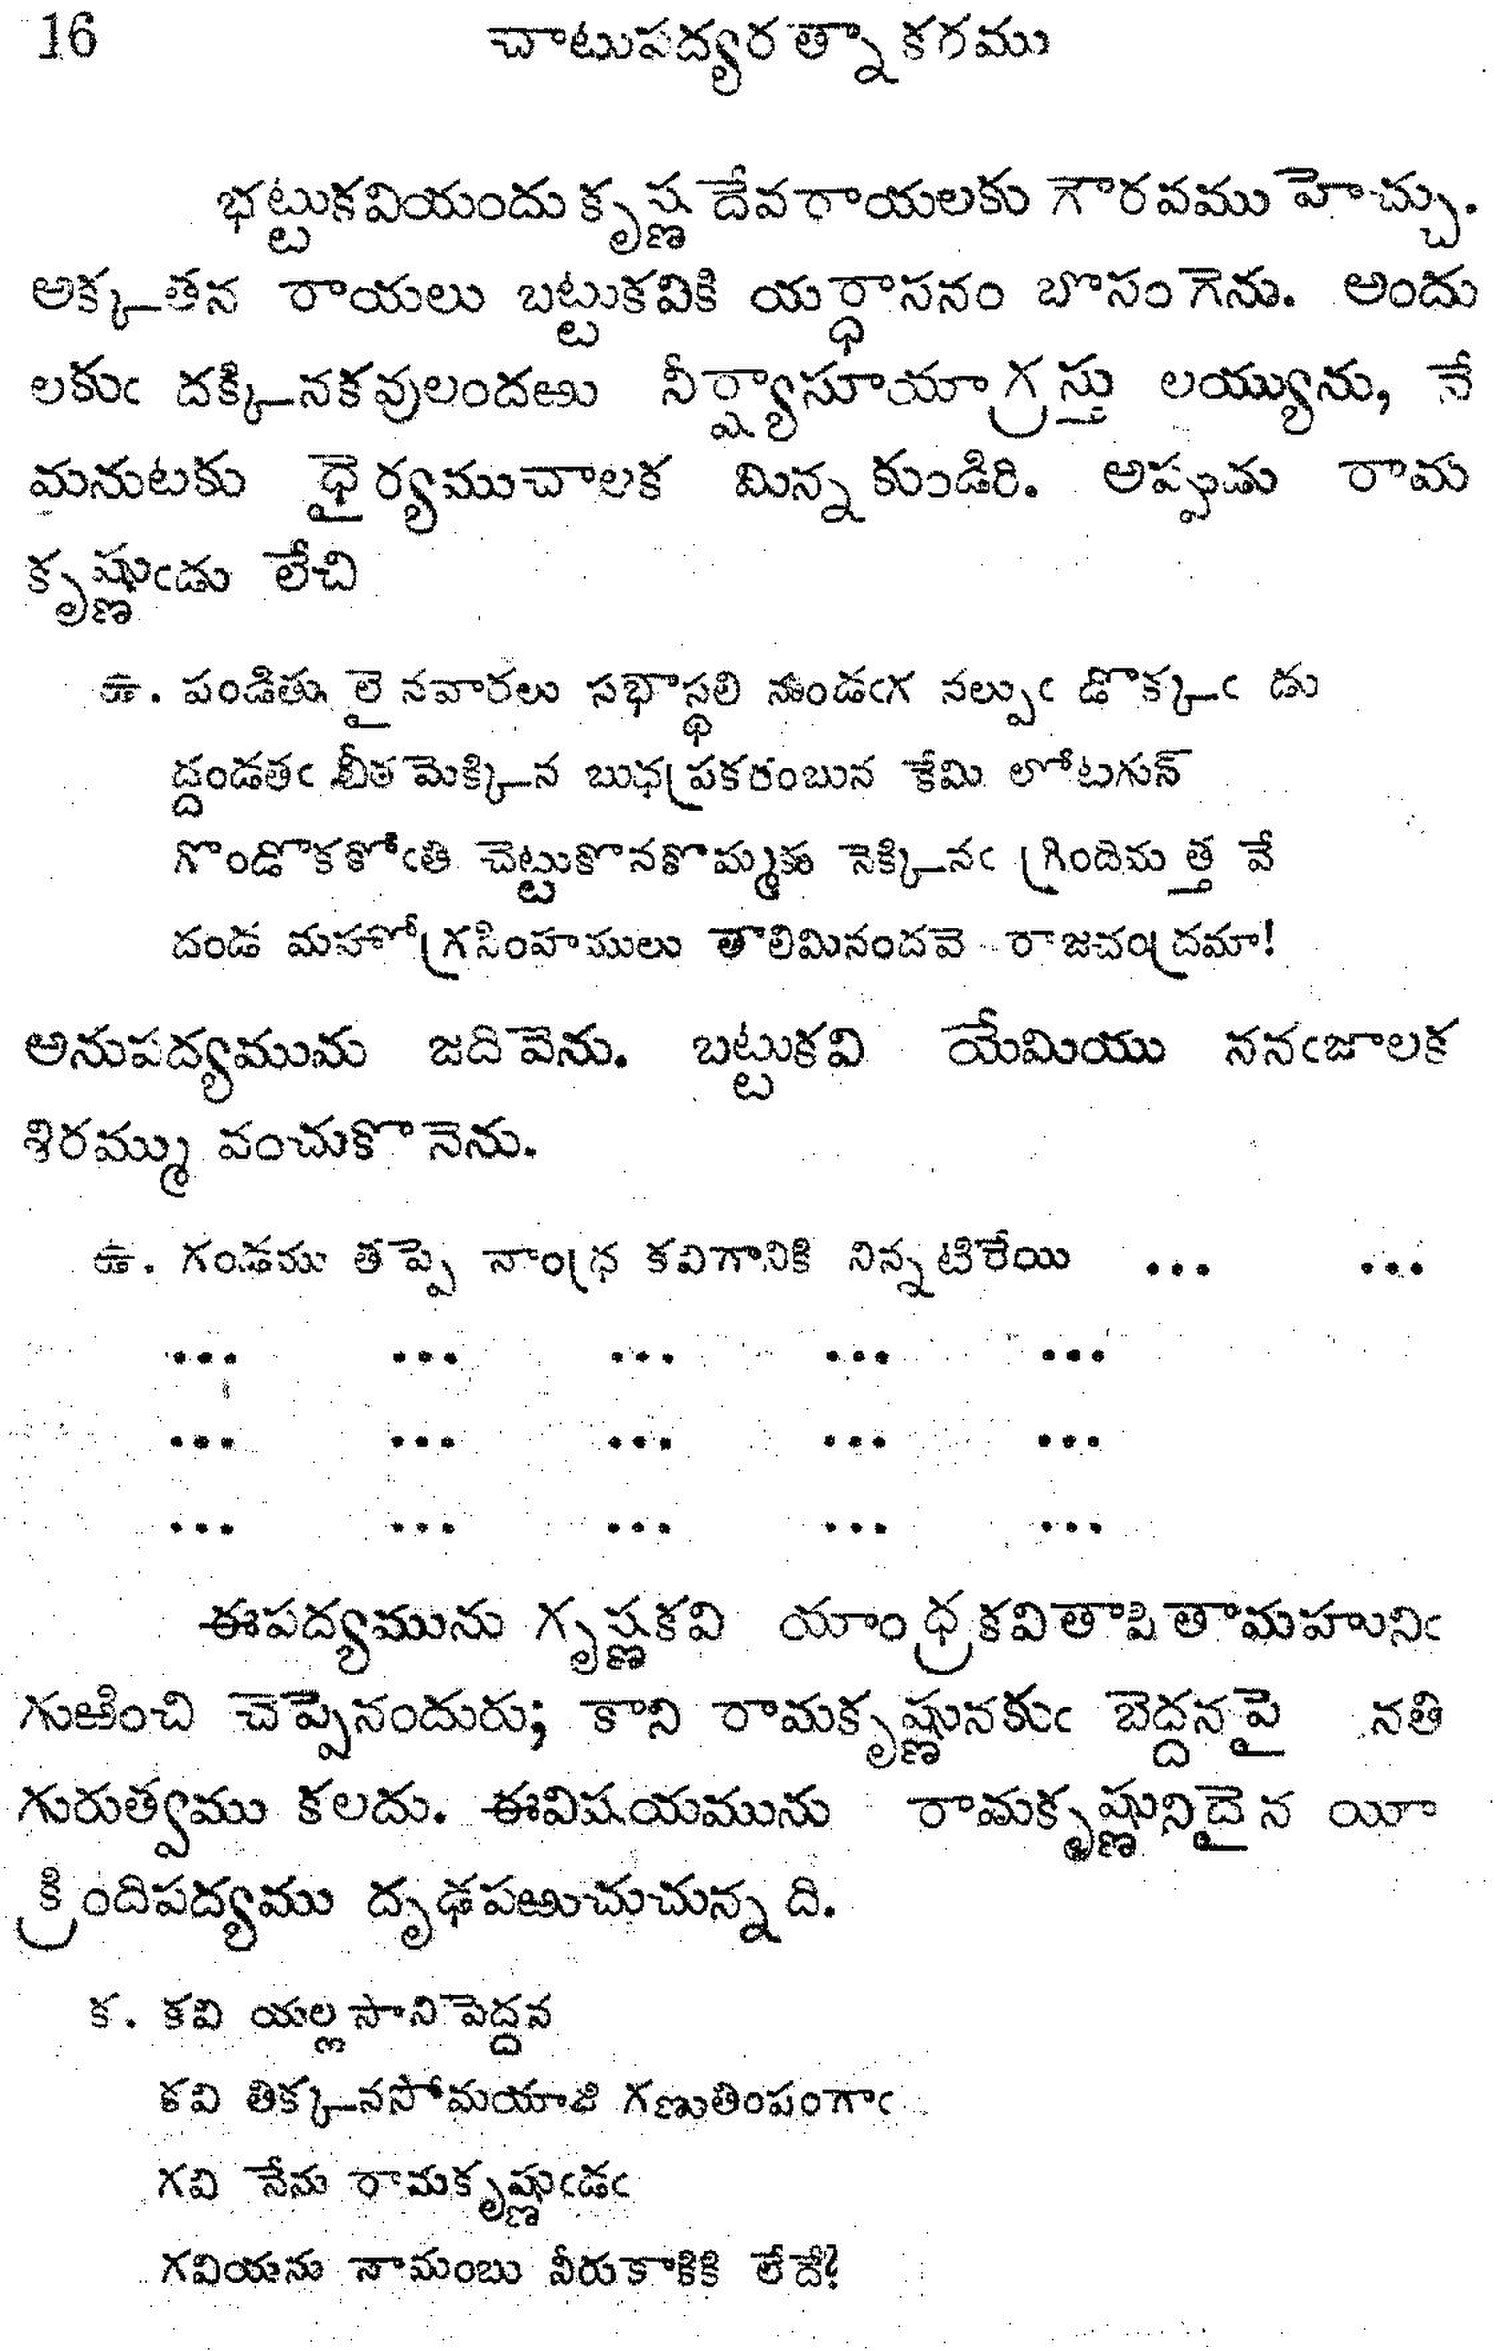భట్టుకవియందు కృష్ణదేవరాయలకు గౌరవము హెచ్చు. అక్కతన రాయలు బట్టుకవికి యర్ధాసనం బొసంగెను. అందులకుఁ దక్కినకవులందఱు నీర్ష్యాసూయాగ్రస్తు లయ్యును, నేమనుటకు ధైర్యము చాలక మిన్నకుండిరి. అప్పుడు రామకృష్ణుఁడు లేచి

ఉ. పండితు లైనవారలు సభస్థలి నుండఁగ నల్పుఁ డొక్కఁ డు
 ద్దండతఁ బీఠమెక్కిన బుధప్రకరంబును కేమి లోటగున్
 గొండొకకోఁతి చెట్టుకొనకొమ్మకు నెక్కినఁ గ్రిందిమత్త వే
 దండ మహోగ్రసింహములు తాలిమినందవె రాజచంద్రమా!

అనుపద్యమును జదివెను. బట్టుకవి యేమియు ననఁజాలక శిరమ్ము వంచుకొనెను.

ఉ. గండము తప్పె నాంధ్ర కవిగానికి నిన్నటిరేయి........
 ........................................
 ...........................................
 ................................................

ఈపద్యమును గృష్ణకవి యాంధ్రకవితాపితామహునిఁగుఱించి చెప్పెనందురు; కాని రామకృష్ణునకుఁ బెద్దనపై నతిగురుత్వము కలదు. ఈవిషయమును రామకృష్ణునిదైన యీక్రిందిపద్యము దృఢపరుచుచున్నది.

క. కవి యల్లసానిపెద్దన
 కవి తిక్కనసోమయాజి గణుతింపంగాఁ
 గవి నేను రామకృష్ణుఁడఁ
 గవి యనునామంబు నీరుకాకికి లేదే?